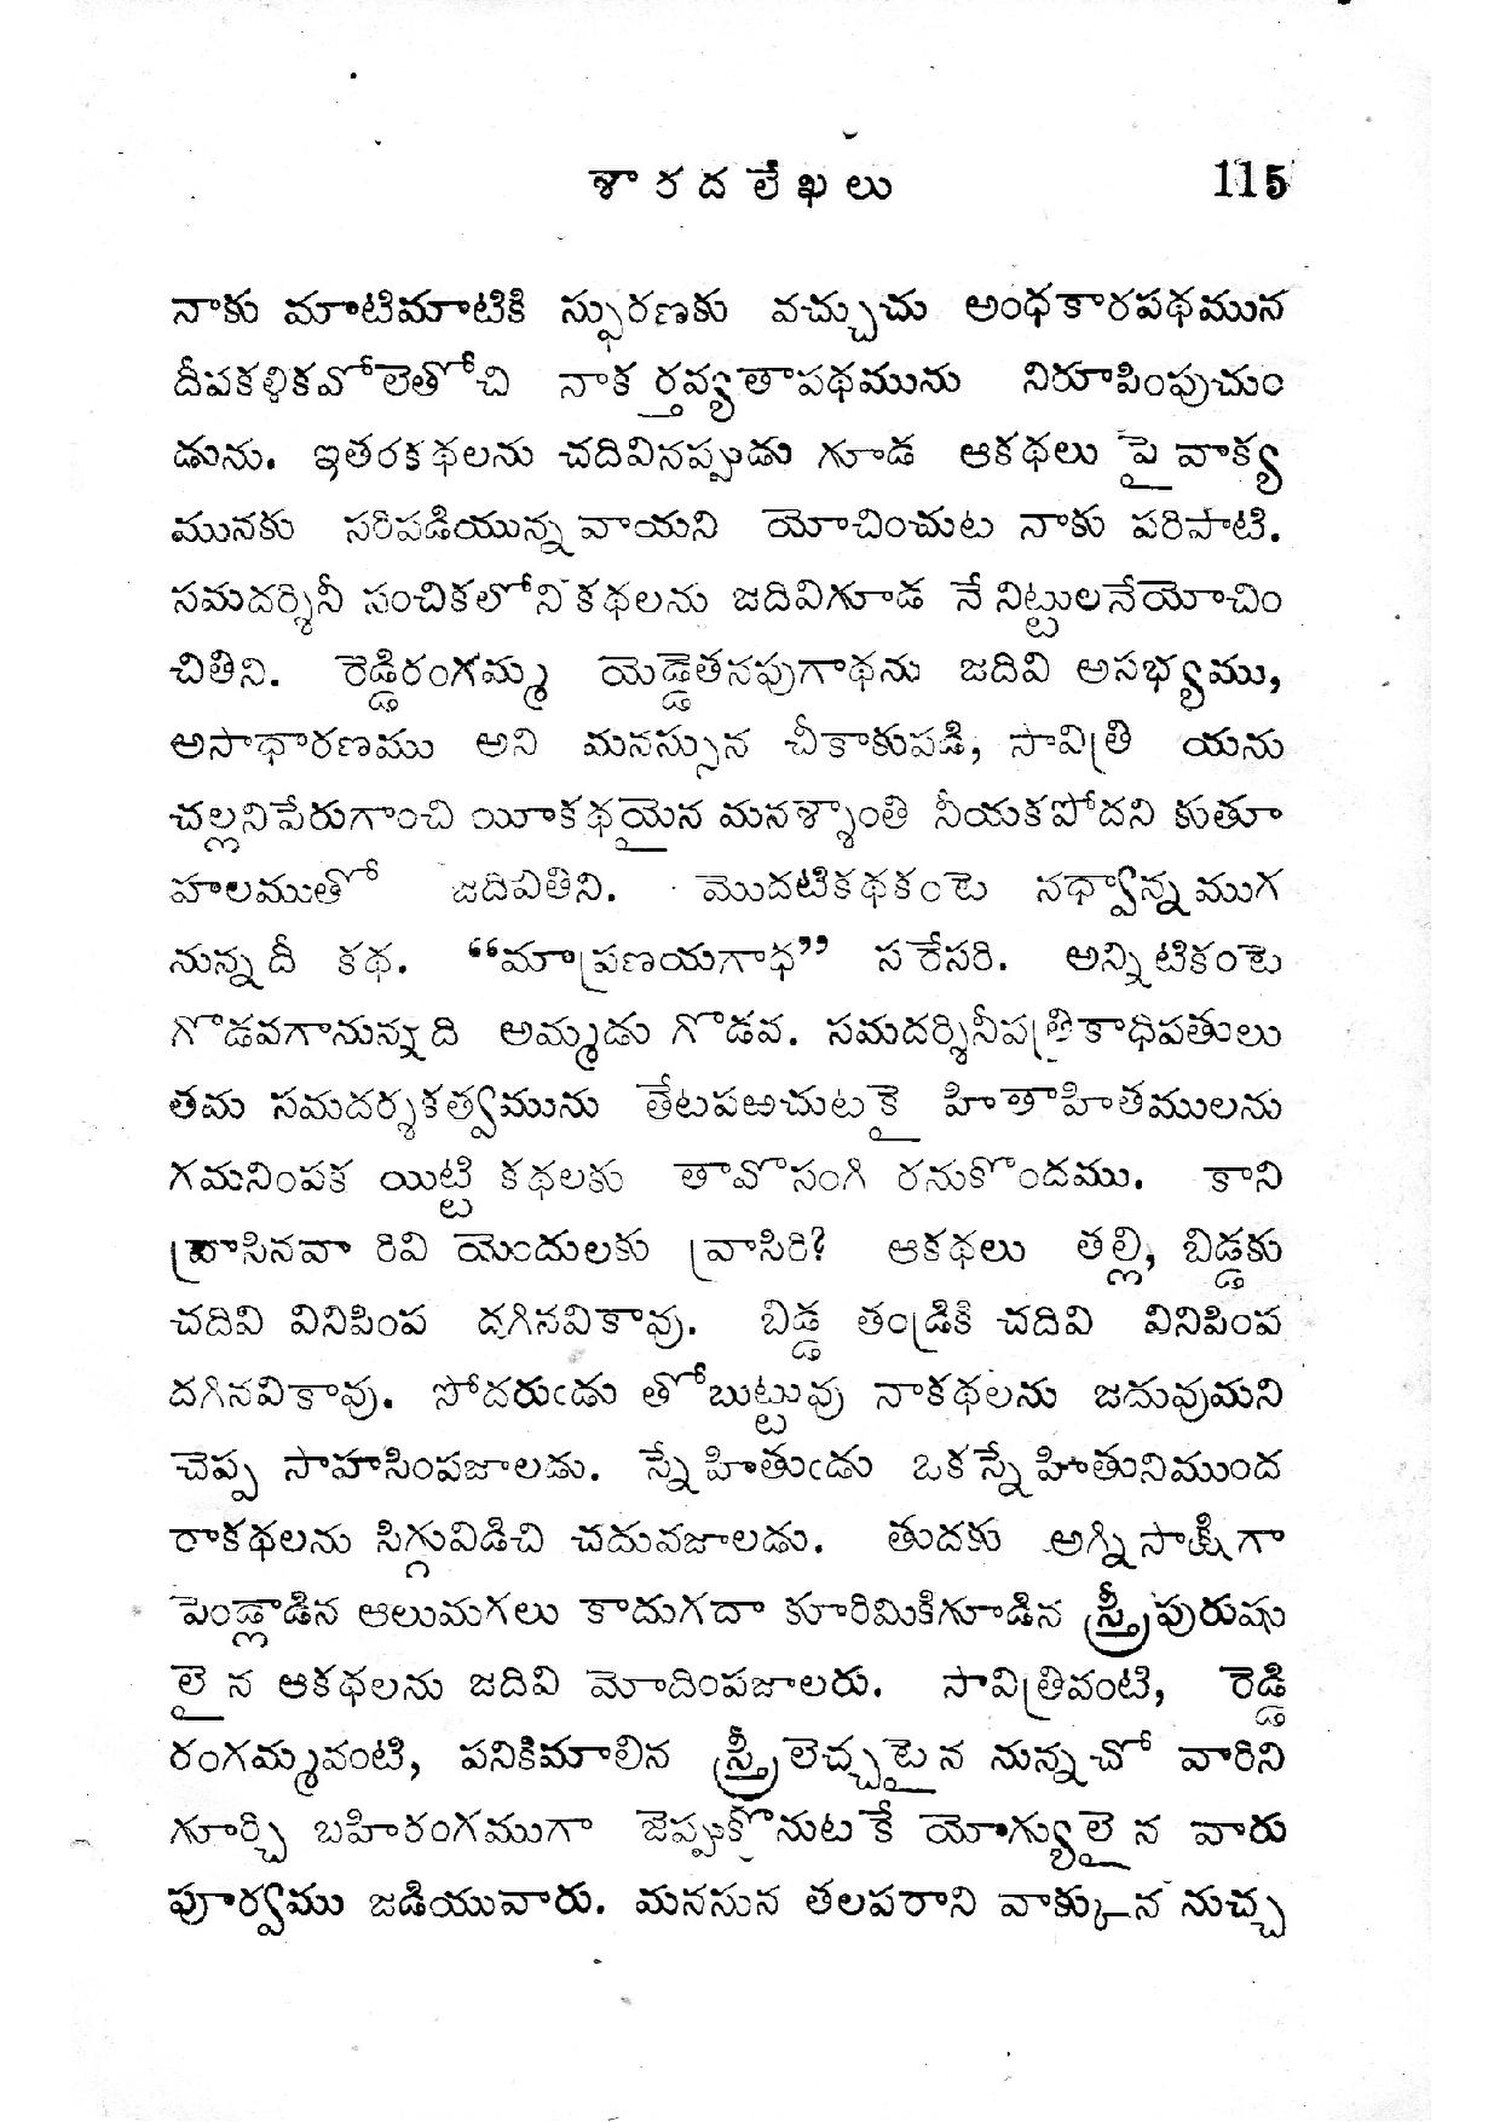నాకు మాటిమాటికి స్ఫురణకు వచ్చుచు అంధకారపథమున దీపకళికవోలెతోచి నాకర్తవ్యతాపథమును నిరూపింపుచుండును. ఇతరకథలను చదివినప్పుడు గూడ ఆకథలు పైవాక్యమునకు సరిపడియున్న వాయని యోచించుట నాకు పరిపాటి. సమదర్శినీ సంచికలోని కథలను జదివిగూడ నే నిట్టులనేయోచించితిని. రెడ్డిరంగమ్మ యెడ్డెతనపుగాథను జదివి అసభ్యము, అసాధారణము అని మనస్సున చీకాకుపడి, సావిత్రి యను చల్లనిపేరుగాంచి యీకథయైన మనశ్శాంతి నీయకపోదని కుతూహముతో జదివితిని. మొదటికథకంటె నధ్వాన్నముగ నున్నదీ కథ. “మాప్రణయగాథ” సరేసరి. అన్నిటికంటె గొడవగానున్నది అమ్మడు గొడవ. సమదర్శినీపత్రికాధిపతులు తమ సమదర్శకత్వమును తేటపఱచుటకై హితాహితములను గమనింపక యిట్టి కథలకు తావొసంగి రనుకొందము. కాని వ్రాసినవా రివి యెందులకు వ్రాసిరి? ఆకథలు తల్లి, బిడ్డకు చదివి వినిపింప దగినవికావు. బిడ్డ తండ్రికి చదివి వినిపింప దగినవికావు. సోదరుఁడు తోబుట్టువు నాకథలను జదువుమని చెప్ప సాహసింపజాలడు. స్నేహితుఁడు ఒకస్నేహితునిముంద రాకథలను సిగ్గువిడిచి చదువజాలడు. తుదకు అగ్నిసాక్షిగా పెండ్లాడిన ఆలుమగలు కాదుగదా కూరిమికిగూడిన స్త్రీపురుషులైన ఆకథలను జదివి మోదింపజాలరు. సావిత్రివంటి, రెడ్డి రంగమ్మవంటి, పనికిమాలిన స్త్రీలెచ్చటైన నున్నచో వారిని గూర్చి బహిరంగముగా జెప్పుకొనుటకే యోగ్యులైన వారు పూర్వము జడియువారు. మనసున తలపరాని వాక్కున నుచ్చ